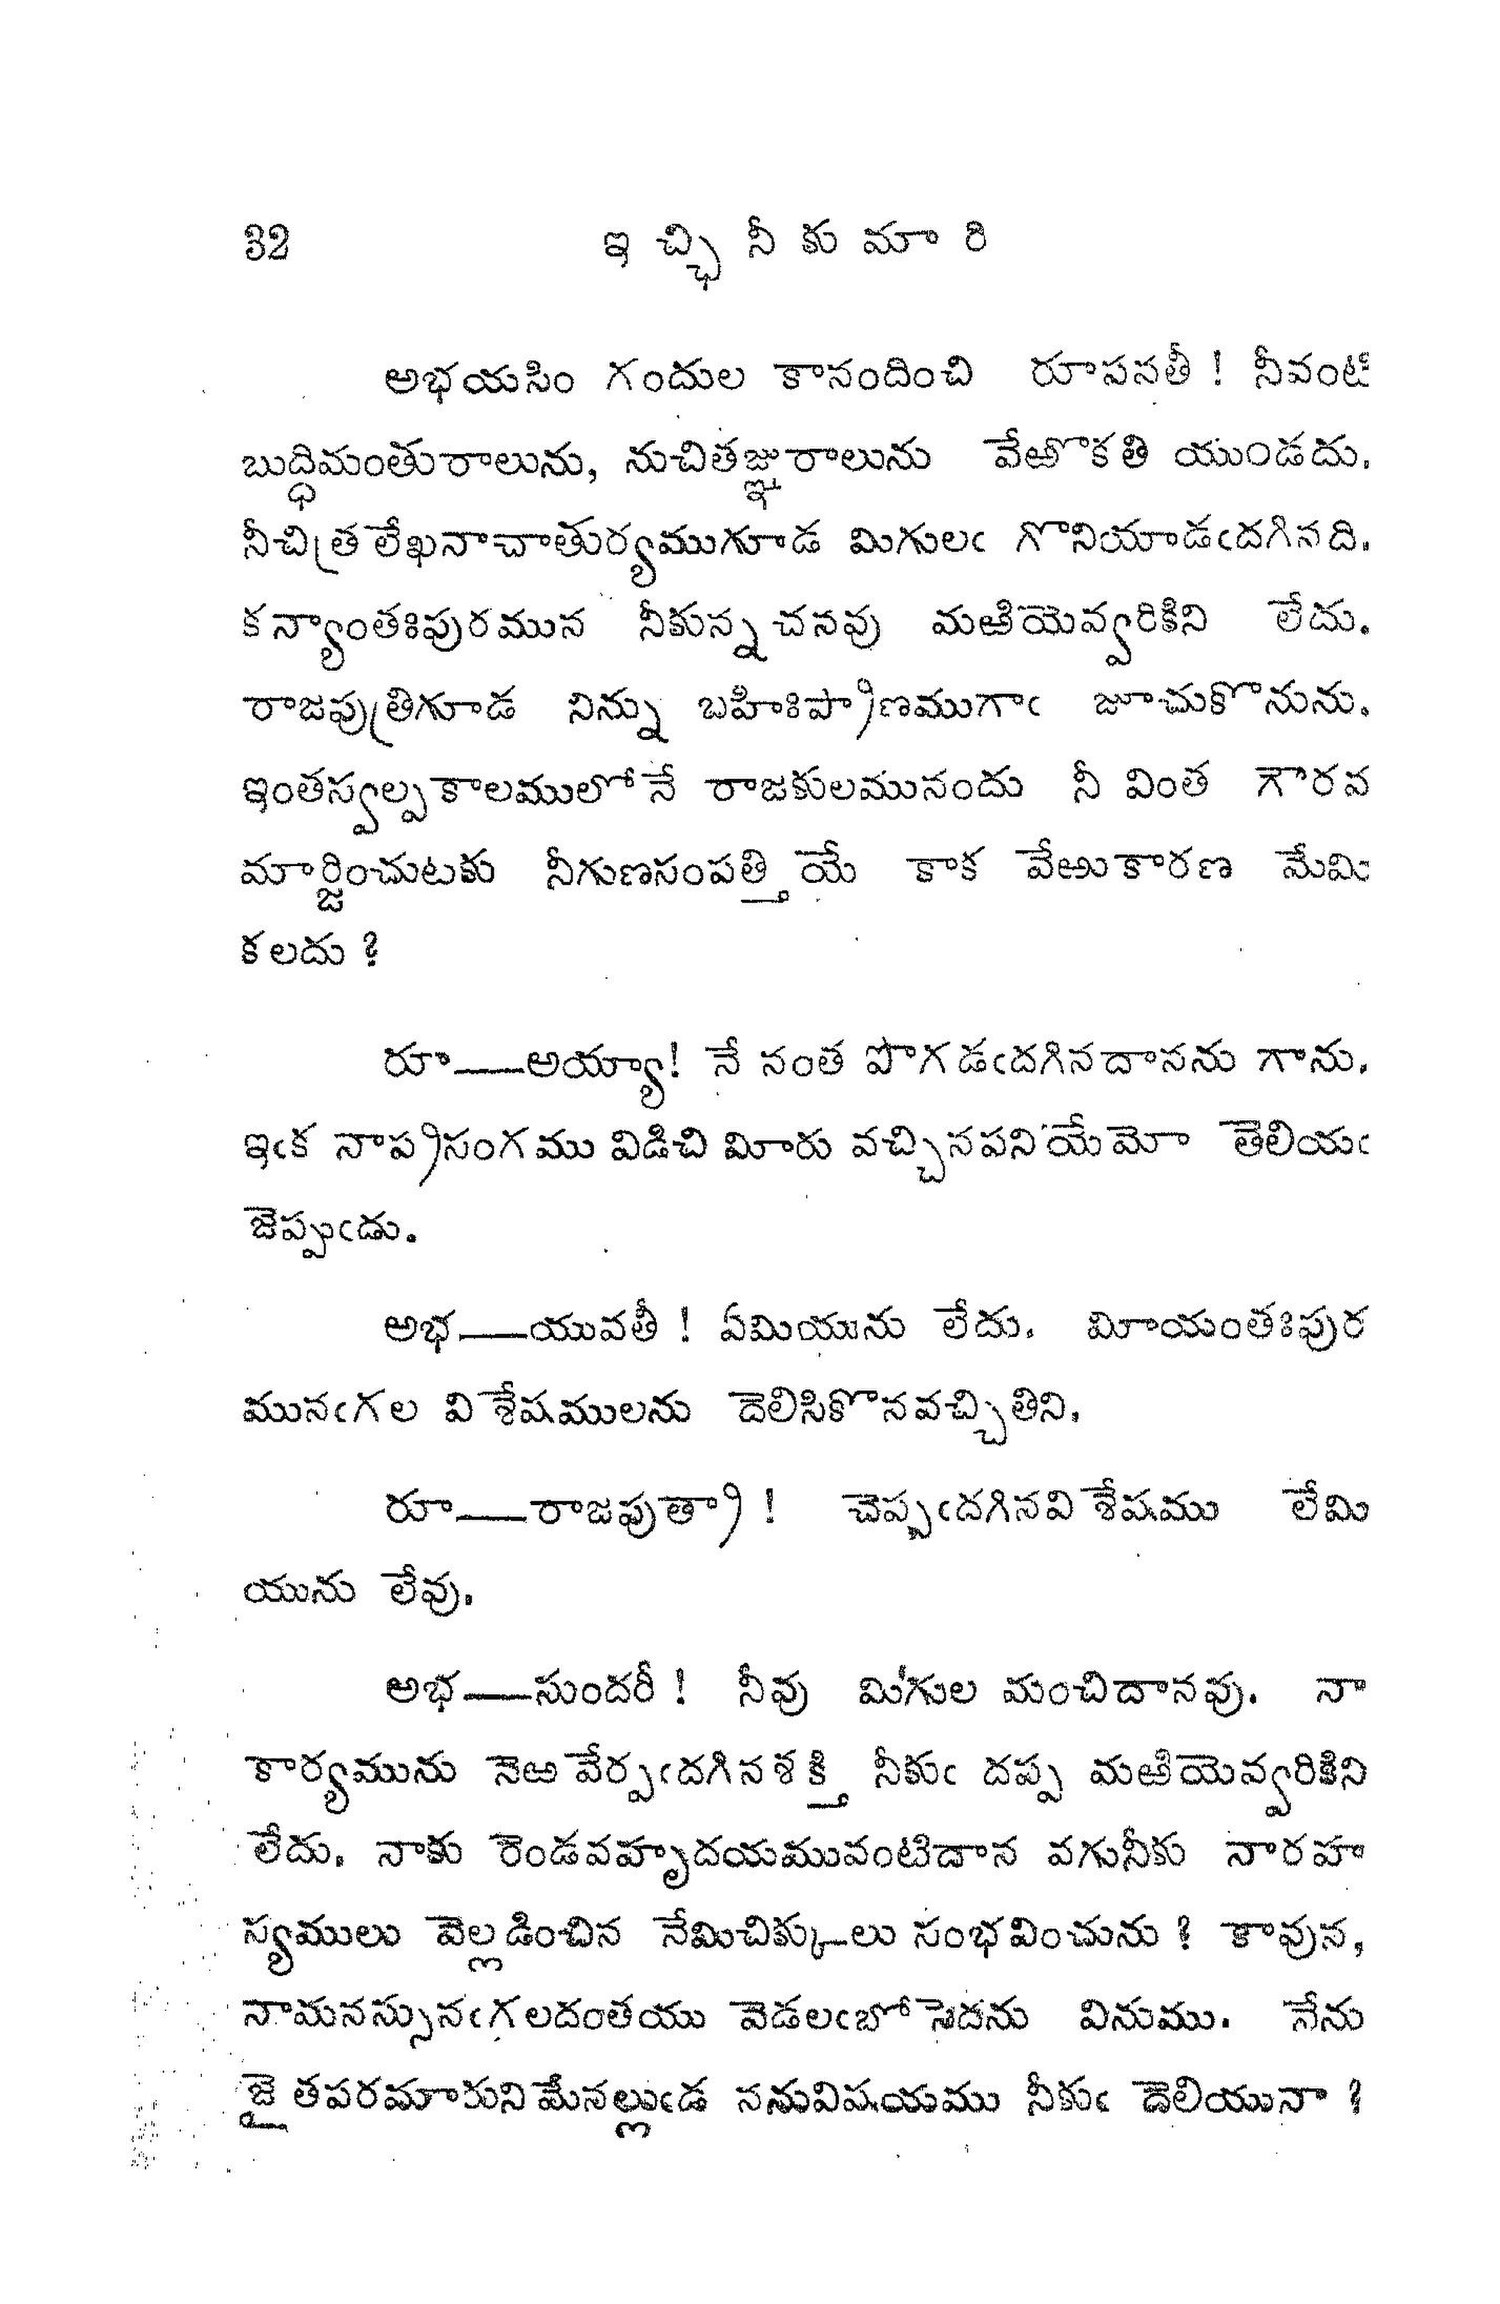అభయసింగందుల కానందించి రూపవతీ ! నీవంటి బుద్ధిమంతురాలును, నుచితజ్ఞురాలును వేడొకతి యుండదు. నీచిత్ర లేఖనా చాతుర్యముగూడ మిగులఁ గొనియాడదగినది. కన్యాంతఃపురమున నీకున్న చనవు మఱి యెవ్వరికిని లేదు. రాజపుత్రిగూడ నిన్ను బహిఃప్రాణముగాఁ జూచుకొనును. ఇంతస్వల్ప కాలములో నే రాజకులమునందు నీ వింత గౌరవ మార్జించుటకు నీగుణసంపత్తి యే కాక వేఱు కారణ మేమి కలదు?

రూ-అయ్యా!నే నంత పొగడఁదగిన దానను గాను. ఇక నాప్రసంగము విడిచి మీరు వచ్చినపని యేమో తెలియఁ జెప్పుఁడు.

అభ: యువతీ ! ఏమియును లేదు. మీయంతఃపుర మునఁగల విశేషములను దెలిసికొనవచ్చితిని,

రూ: రాజపుత్రా! చెప్పఁదగినవి శేషము లేమియును లేవు,

అభ- సుందరీ ! నీవు మిగుల మంచిదానవు. కార్యమును నెఱ వేర్పఁదగిస శక్తి నీకుఁ దప్ప మఱియెవ్వరికిని లేదు. నాకు రెండవ హృదయమువంటిదాన వగునీకు నారహ స్యములు వెల్లడించిన నేమి చిక్కులు సంభవించును ? కావున, నామనస్సునఁ గలదంతయు వెడలఁబోసెదను వినుము. 'నేను జై తపరమారుని మేనల్లుఁడ ననువిషయము నీకుఁ డెలియునా ?